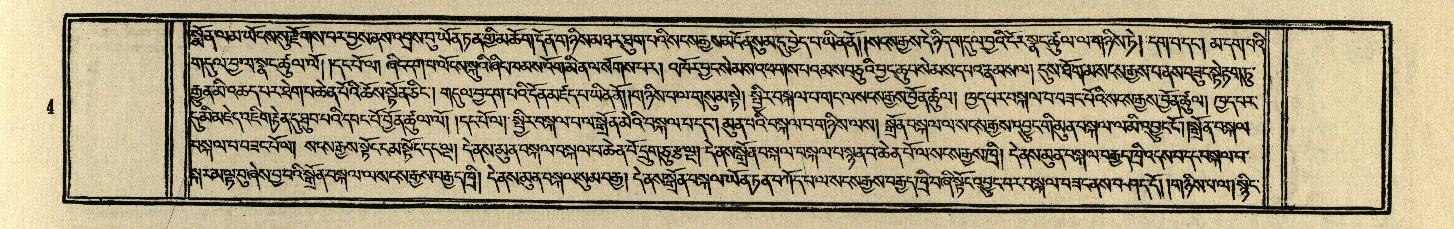སྨོན་ལམ་ཡོངས་སུ་རྫོགས་པར་བྱས་ནས་འབྲས་བུ་ཡོན་ཏན་གྱི་མཆོག་དོན་གཉིས་མཐར་ཐུག་པའི་སངས་རྒྱས་མངོན་སུམ་དུ་བྱེད་པ་ཡིན་ནོ། །སངས་རྒྱས་དེ་ཉིད་གདུལ་བྱའི་ངོར་སྣང་ཚུལ་ལ་གཉིས་ཏེ། དག་པ་དང་། མ་དག་པའི་
གདུལ་བྱ་ལ་སྣང་ཚུལ་ལོ། །དང་པོ་ལ། ཞིང་དག་པ་ལོངས་སྐུའི་ཞིང་ཁམས་འོག་མིན་ལ་སོགས་པར། འཁོར་བྱང་སེམས་འཕགས་པའམ་ས་བཅུའི་བྱང་ཆུབ་སེམས་དཔའ་རྣམས་ལ། དུས་ཐོག་མ་སངས་རྒྱས་པ་ནས་བཟུང་སྟེ་རྟག་ཏུ་
རྒྱུན་མི་འཆད་པར་ཐེག་པ་ཆེན་པོའི་ཆོས་སྟོན་ཅིང་། གདུལ་བྱ་དག་པའི་དོན་མཛད་པ་ཡིན་ནོ། །གཉིས་པ་ལ་གསུམ་སྟེ། སྤྱིར་བསྐལ་པ་གང་ལ་སངས་རྒྱས་བྱོན་ཚུལ། ཁྱད་པར་བསྐལ་པ་བཟང་པོའི་སངས་རྒྱས་བྱོན་ཚུལ། ཁྱད་པར་
དུ་མི་མཇེད་འཇིག་རྟེན་དུ་ཐུབ་པའི་དབང་པོ་བྱོན་ཚུལ་ལོ། །དང་པོ་ལ། སྤྱིར་བསྐལ་པ་ལ་སྒྲོན་མེའི་བསྐལ་པ་དང་། མུན་པའི་བསྐལ་པ་གཉིས་ལས། སྒྲོན་བསྐལ་ལ་སངས་རྒྱས་འབྱུང་གི་མུན་བསྐལ་ལ་མི་འབྱུང་ངོ། །སྒྲོན་བསྐལ་
བསྐལ་པ་བཟང་པོ་ལ། སངས་རྒྱས་སྟོང་དམ་སྟོང་དང་ལྔ། དེ་ནས་མུན་བསྐལ་བསྐལ་པ་ཆེན་པོ་དྲུག་ཅུ་རྩ་ལྔ། དེ་ནས་སྒྲོན་བསྐལ་བསྐལ་པ་སྙན་པ་ཆེན་པོ་ལ་སངས་རྒྱས་ཁྲི། དེ་ནས་མུན་བསྐལ་བརྒྱད་ཁྲི་འདས་པ་དང་བསྐལ་པ་
སྐར་མ་ལྟ་བུ་ཞེས་བྱ་བའི་སྒྲོན་བསྐལ་ལ་སངས་རྒྱས་བརྒྱད་ཁྲི། དེ་ནས་མུན་བསྐལ་སུམ་བརྒྱ། དེ་ནས་སྒྲོན་བསྐལ་ཡོན་ཏན་བཀོད་པ་ལ་སངས་རྒྱས་བརྒྱད་ཁྲི་བཞི་སྟོང་འབྱུང་བར་བསྐལ་བཟང་ནས་བཤད་དོ། །གཉིས་པ་ལ། སྙིང་